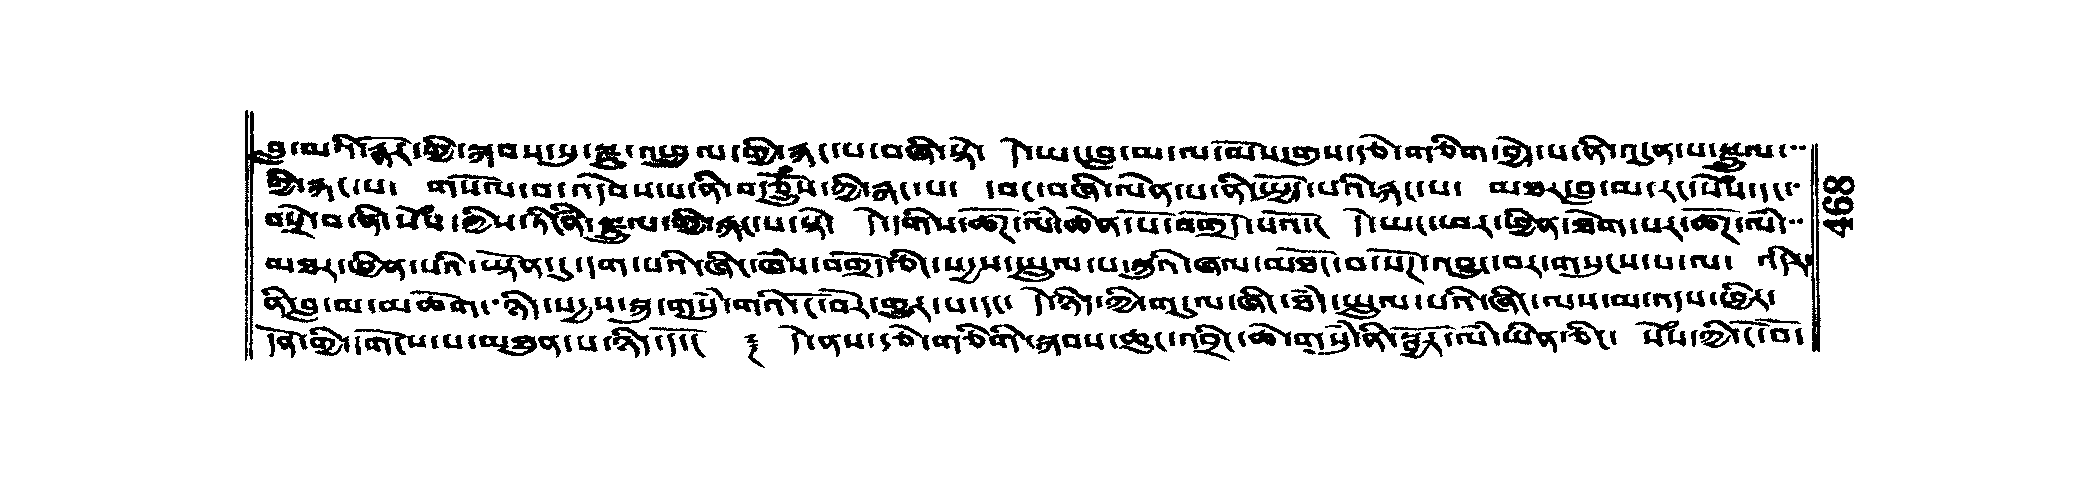བླ་མའི་རྣལ་འབྱོར་གྱི་སྐབས་སུ་རྫུ་འཕྲུལ་གྱི་རྐང་པ་བཞི་སྟེ། དེ་ཡང་བླ་མ་ལ་མོས་གུས་རྩེ་གཅིག་བྱེད་པ་ནི་འདུན་པ་རྫུ་འཕྲུལ་
གྱི་རྐང་པ། གསོལ་བ་འདེབས་པ་ནི་བརྩོན་འགྲུས་ཀྱི་རྐང་པ། དབང་བཞི་ལེན་པ་ནི་སྤྱོད་པའི་རྐང་པ། མཐར་བླ་མ་རང་སེམས་དང་
བསྲེ་བ་ནི་སེམས་ཀྱི་ཏིང་འཛིན་རྫུ་འཕྲུལ་གྱི་རྐང་པ་སྟེ། དེ་དག་གིས་ཚོགས་ལམ་ཆེན་པོ་བགྲོད་པའོ། དེ་ཡང་ཕར་ཕྱིན་ཐེག་པ་ཚོགས་ལམ་
མཐར་ཕྱིར་པའི་ཡོན་ཏན་དུ་དག་པའི་ཞིང་ཁམས་བགྲོད་ཅིང་སངས་རྒྱས་སྤྲུལ་པ་སྐུའི་ཞལ་མཐོང་བ་སོགས་འབྱུང་བར་གསུངས་པ་ལ། འདིར་
ནི་བླ་མ་མཆོག་ཉིད་སངས་རྒྱས་སྐུ་གསུམ་གའི་ངོ་བོར་གྱུར་པ་དང་། དེ་ཉིད་ཀྱི་གདུལ་ཞིང་ཐམས་ཅད་སྤྲུལ་པའི་ཞིང་ལས་མ་འདས་ཕྱིར་
དོན་གྱི་དགོངས་པ་མཐུན་པ་ཉིད་དོ། དེ་ནས་རྩེ་གཅིག་གི་སྐབས་ཆུང་འབྲིང་ཆེ་གསུམ་ནི་སྦྱོར་ལམ་ཡིན་ཅིང་། སེམས་ཀྱི་ངོ་བོ་